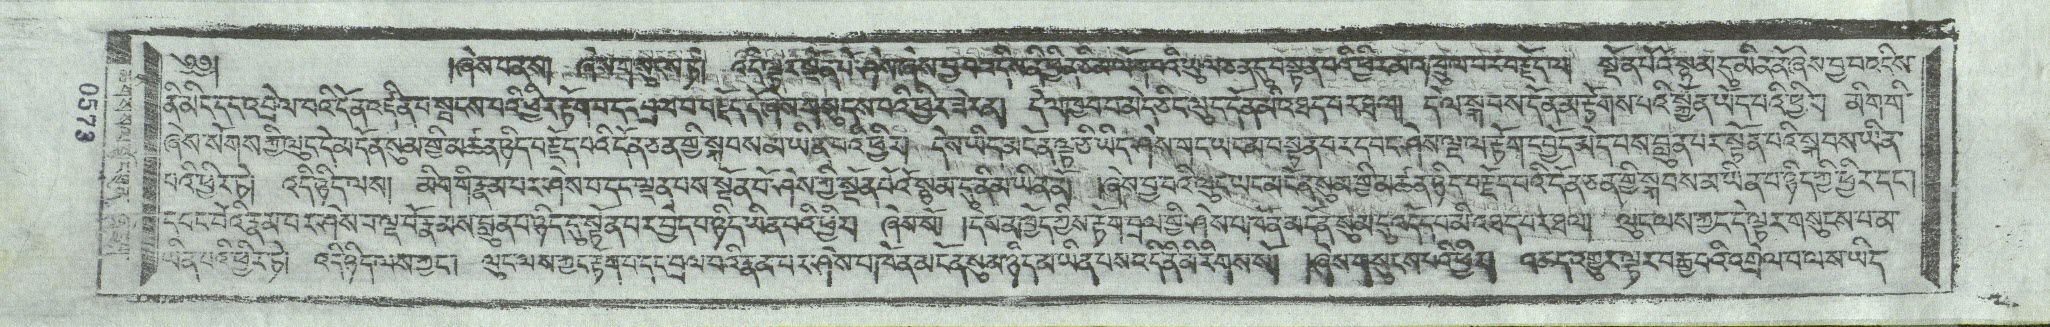༄༅། །ཞེས་པ་ནས། ཞེས་གསུངས་ཏེ། འདི་ལྟར་སྔོན་པོ་ཤེས་ཞེས་བྱ་བ་འདིས་ནི་ཕྱིན་ཅི་མ་ལོག་པའི་ཡུལ་ཅན་དུ་བསྟན་པའི་ཕྱིར་མ་འཁྲུལ་བར་བརྗོད་ལ། སྔོན་པོའོ་སྙམ་དུ་མིན་ནོ་ཞེས་བྱ་བ་འདིས་
ནི་མིང་དང་འབྲེལ་བའི་དོན་འཛིན་པ་སྤངས་པའི་ཕྱིར་རྟོག་པ་དང་བྲལ་བ་བརྗོད་དོ་ཞེས་གསུངས་པའི་ཕྱིར་ཟེར་ན། དེ་ལ་ཁྱབ་པ་མེད་ཅིང་ལུང་དོན་མི་འཐད་པར་ཐལ། དེ་ལ་སྐབས་དོན་མ་རྟོགས་པའི་སྐྱོན་ཡོད་པའི་ཕྱིར། མིག་གི་
ཞེས་སོགས་ཀྱི་ལུང་དེ་མངོན་སུམ་གྱི་མཚན་ཉིད་བརྗོད་པའི་དོན་ཅན་གྱི་སྐབས་མ་ཡིན་པའི་ཕྱིར། དེས་ཡིད་མངོན་ལྟ་ཅི་ཡིད་ཤེས་གང་ཡང་མ་བསྟན་པར་དབང་ཤེས་ལྔ་ལ་རྟོག་དཔྱོད་མེད་པས་བླུན་པར་སྟོན་པའི་སྐབས་ཡིན་
པའི་ཕྱིར་ཏེ། འདི་ཉིད་ལས། མིག་གི་རྣམ་པར་ཤེས་པ་དང་ལྡན་པས་སྔོན་པོ་ཤེས་ཀྱི་སྔོན་པོའོ་སྙམ་དུ་ནི་མ་ཡིན་ནོ། །ཞེས་བྱ་བའི་ལུང་ཡང་མངོན་སུམ་གྱི་མཚན་ཉིད་བརྗོད་པའི་དོན་ཅན་གྱི་སྐབས་མ་ཡིན་པ་ཉིད་ཀྱི་ཕྱིར་དང་།
དབང་པོའི་རྣམ་པར་ཤེས་པ་ལྔ་པོ་རྣམས་བླུན་པ་ཉིད་དུ་སྟོན་པར་བྱེད་པ་ཉིད་ཡིན་པའི་ཕྱིར། ཞེས་སོ། །དེས་ན་ཁྱོད་ཀྱིས་རྟོག་བྲལ་གྱི་ཤེས་པ་ཁོ་ན་མངོན་སུམ་དུ་འདོད་པ་མི་འཐད་པར་ཐལ། ལུང་ལས་ཀྱང་དེ་ལྟར་གསུངས་པ་མ་
ཡིན་པའི་ཕྱིར་ཏེ། འདི་ཉིད་ལས་ཀྱང་། ལུང་ལས་ཀྱང་རྟོག་པ་དང་བྲལ་བའི་རྣམ་པར་ཤེས་པ་ཁོ་ན་མངོན་སུམ་ཉིད་མ་ཡིན་པས་འདི་ནི་མི་རིགས་སོ། །ཞེས་གསུངས་པའི་ཕྱིར། འཆད་འགྱུར་ལྟར་བརྒྱ་པའི་འགྲེལ་བ་ལས་ཡིད་